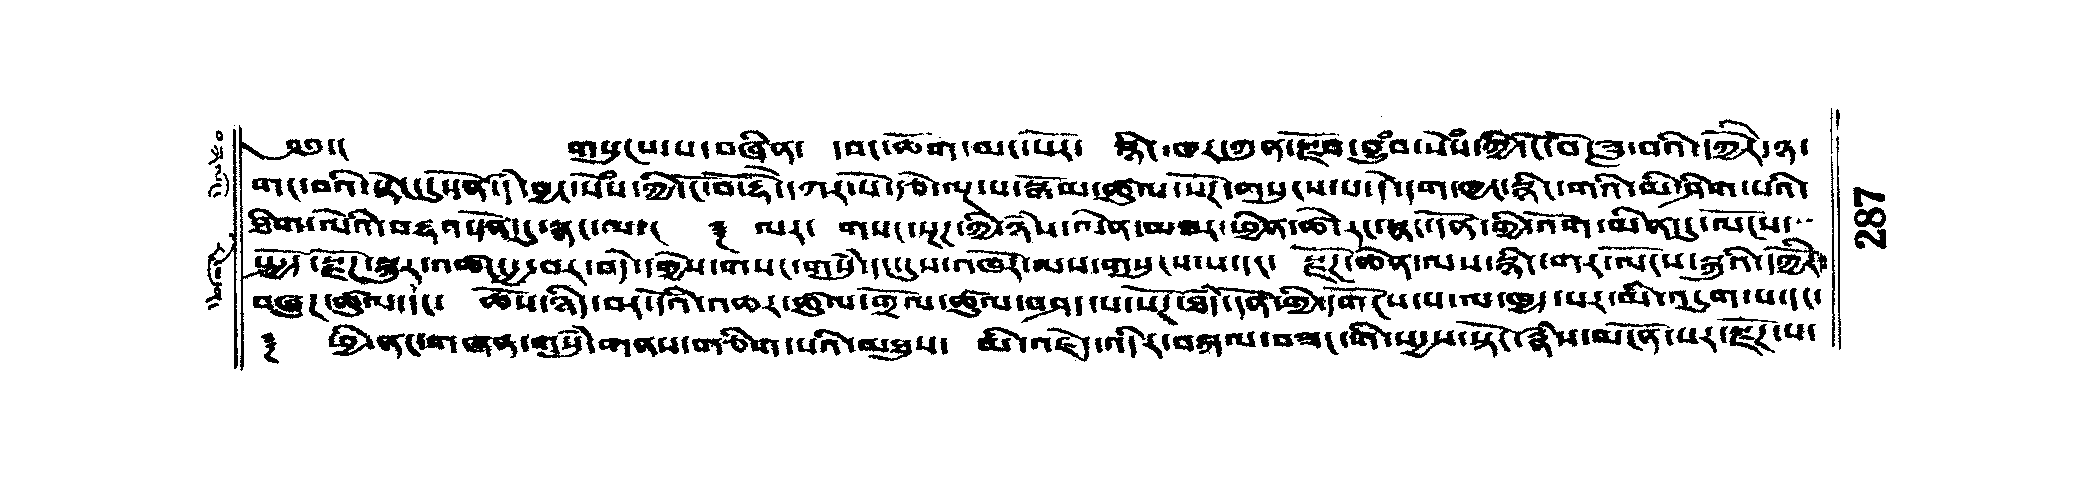གསུངས་པ་བཞིན། དབང་ཆོག་མང་པོར། སྙིང་ཁར་ཀུན་རྫོབ་བྱང་ཆུབ་སེམས་ཀྱི་ངོ་བོ་ཟླ་བའི་དཀྱིལ་འཁོར་ཉ་
གང་བའི་སྟེང་དུ་དོན་དམ་བྱང་སེམས་ཀྱི་ངོ་བོ་རྡོ་རྗེ་དཀར་པོ་རྩེ་ལྔ་པ་སྒོམ་ཚུལ་སོགས་གསུངས་པ་དེ་དག་ཀྱང་སྙིང་གའི་མི་ཤིག་པའི་
ཐིག་ལེའི་བརྡ་དོན་དུ་སྣང་ལ། ལར། གསང་སྔགས་ཀྱི་ཉམས་ལེན་མཐར་ཕྱིན་ཚེ་རང་སྣང་དོན་གྱི་འོག་མིན་དུ་ལོངས་
སྤྱོད་རྫོགས་སྐུར་འཚང་རྒྱ་བར་བདེ་དགྱེས་གསང་གསུམ་དང་དུས་འཁོར་ལས་གསུངས་པ་དང་། རྫོགས་ཆེན་ལས་སྙིང་གར་ལོངས་སྐུའི་དཀྱིལ་འཁོར་
བཞུགས་ཚུལ་དང་། ཆོས་ཉིད་བར་དོའི་འཆར་ཚུལ་གྲོལ་ཚུལ་བཤད་པ་སོགས་ཐམས་ཅད་དོན་གྱི་དགོངས་པ་ལ་ཁྱད་པར་མི་འདུག་པ་དང་།
ཕྱི་ནང་གཞན་གསུམ་གནད་གཅིག་པའི་མཐུས། མི་མཇེད་འདིར་བསྐལ་བཟང་གི་སངས་རྒྱས་སྟོང་རྣམས་མངོན་པར་རྫོགས་པ་